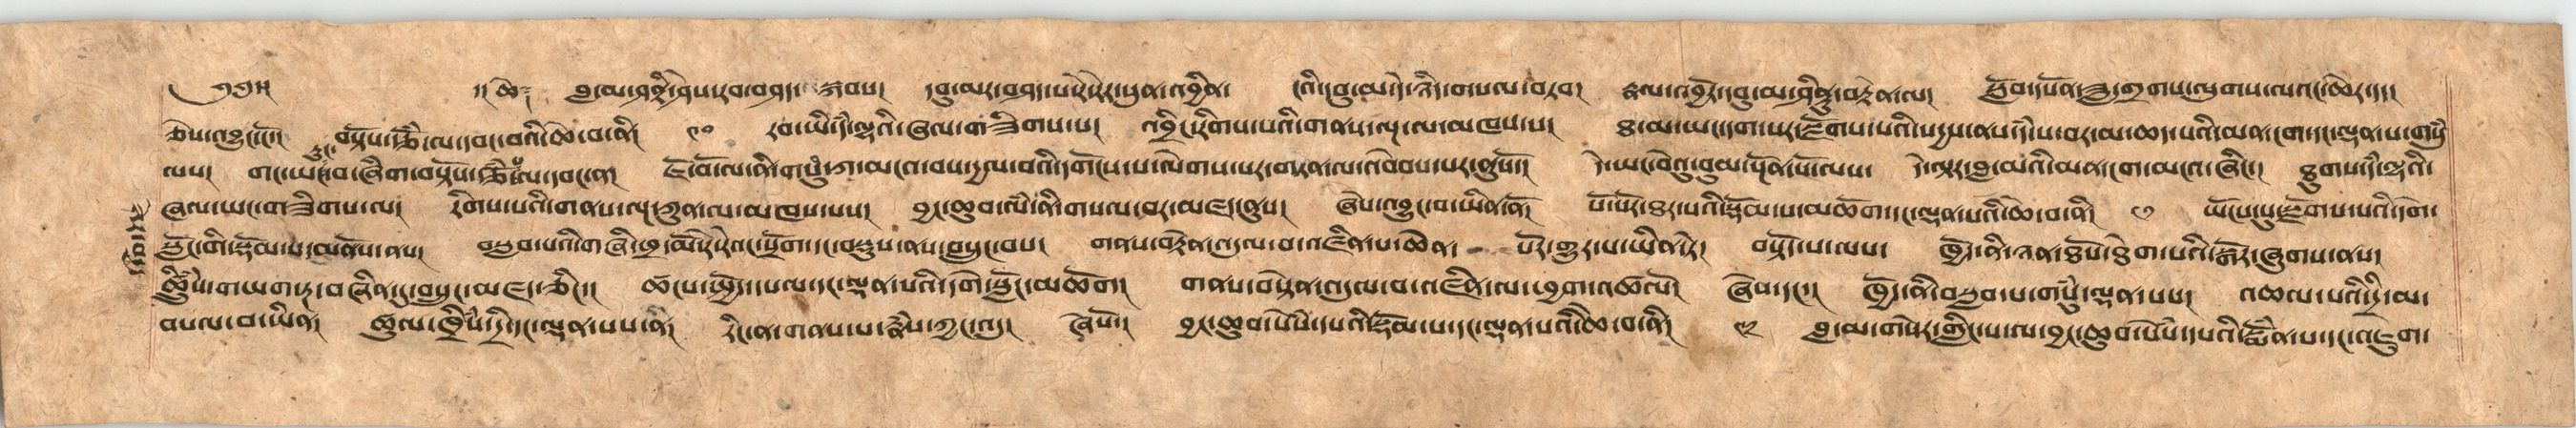བླ་མ་ཤནྟི་ཤེས་རབ་བཤད་སྐབས། དབུ་མར་བཤད་པ་རེ་རེར་སུན་འབྱིན། ངའི་དབུ་མ་དེ་ཉིད་གསལ་བཏབ། རྣལ་འབྱོར་དབུ་མ་ཤིནྟུ་བརྟེན་ལ། སློབ་དཔོན་ཟླ་གྲགས་ལུགས་ལའང་ཆེར་དད།
ཅེས་འབྱུང་ངོ་། བསྟོས་རྩོཾ་ལ་དབང་བའི་ཆེ་བ་ནི། ༤༠ རབ་ཡི་དཾ་ལྷའི་ཞལ་གཟིགས་པ། འབྲིང་རིགས་པའི་གནས་ལྔ་ལ་མཁས་པ། ཐ་མ་ཡང་དག་པར་སྫོགས་པའི་སདྱས་ནས་དཾ་པ་བར་མ་ཆད་པའི་མན་ངག་དང་ལྡན་པ་གསུཾ
ལས། གང་ཡང་རུང་བ་ཞིགབསྟོས་རྩོཾ་ལ་དབང་ན། ཇོ་བོ་ལ་ནི་གསུཾ་ཀ་མངའ་བས་རྒྱལ་བའི་དགོངས་པ་ལེགས་པར་གཏན་ལ་འབེབས་པར་ནུསོ། དེ་ཡང་་བེའུ་བུམ་སྔོན་པོ་ལས་ དེ་ལྟར་བླ་མའི་མན་ངག་མངའ་ཞིང་། ཐུགས་དཾ་ལྷའི་
ཞལ་ཡང་གཟིགས་ལ། རིགས་པའི་གནས་ལྔ་ཀུན་ལ་མཁས་པས། བྱང་ཆུབ་ལཾ་ནི་གསལ་བར་མཛད་ནུས། ཞེས་འབྱུང་བ་ཡིན་ནོ། སོ་སོ་ཐར་པའི་སྡོམ་པ་མཆོག་དང་ལྡན་པའི་ཆེ་བ་ནི།༤༡ ཡོངས་སུ་སྫོགས་པའི་དགེ་
སློང་གི་སྡོམ་པ་མནོས་ནས། བསླབ་པའི་གཞི་ཕྲ་མོ་རེ་རེའང་སྲོག་དང་བསྡུས་ནས་བསྲུང་བས། གནས་བརྟེན་འདུལ་བ་འཛིན་པ་ཆེན་ པོར་གྱུར་པ་ཡིན་ཏེ། བསྟོད་པ་ལས་ ཁྱོད་ནི་ཉན་ཐོས་ཐེག་པའི་སྒོར་ཞུགས་ནས
ཚྲིུཾས་གཡག་རྔ་བཞིན་དུ་བསྲུང་མཛད་ཅིང་། ཚངས་སྤྱོད་དཔལ་དང་ལྡན་པའི་དགེ་སློང་མཆོག གནས་བསྟེན་འདུལ་བ་འཛིན་ལ་ཕྱག་འཚལོ། ཞེས་དང་། ཁྱོད་ནི་བསླབ་པ་གསུཾ་ལྡན་པས། འཆལ་པའི་དྲི་མ་
བསལ་བ་ཡིན། ཚུལ་ཁྲིཾས་དྲི་དང་ལྡན་པས་ནི། རིང་ན་གནས་པ་རྣཾས་ཀྱང་འདུ། ཞེསོ་།། བྱང་ཆུབ་སེཾས་དཔའི་སྡོམ་པ་དང་ལྡན་པའི་ཆེ་བ་ནི། ༤༡ བླ་མ་གསེར་གླིང་པ་ལ་བྱང་ཆུབ་སེཾས་དཔའི་སྨོཾན་པ་དང་འཇུག་